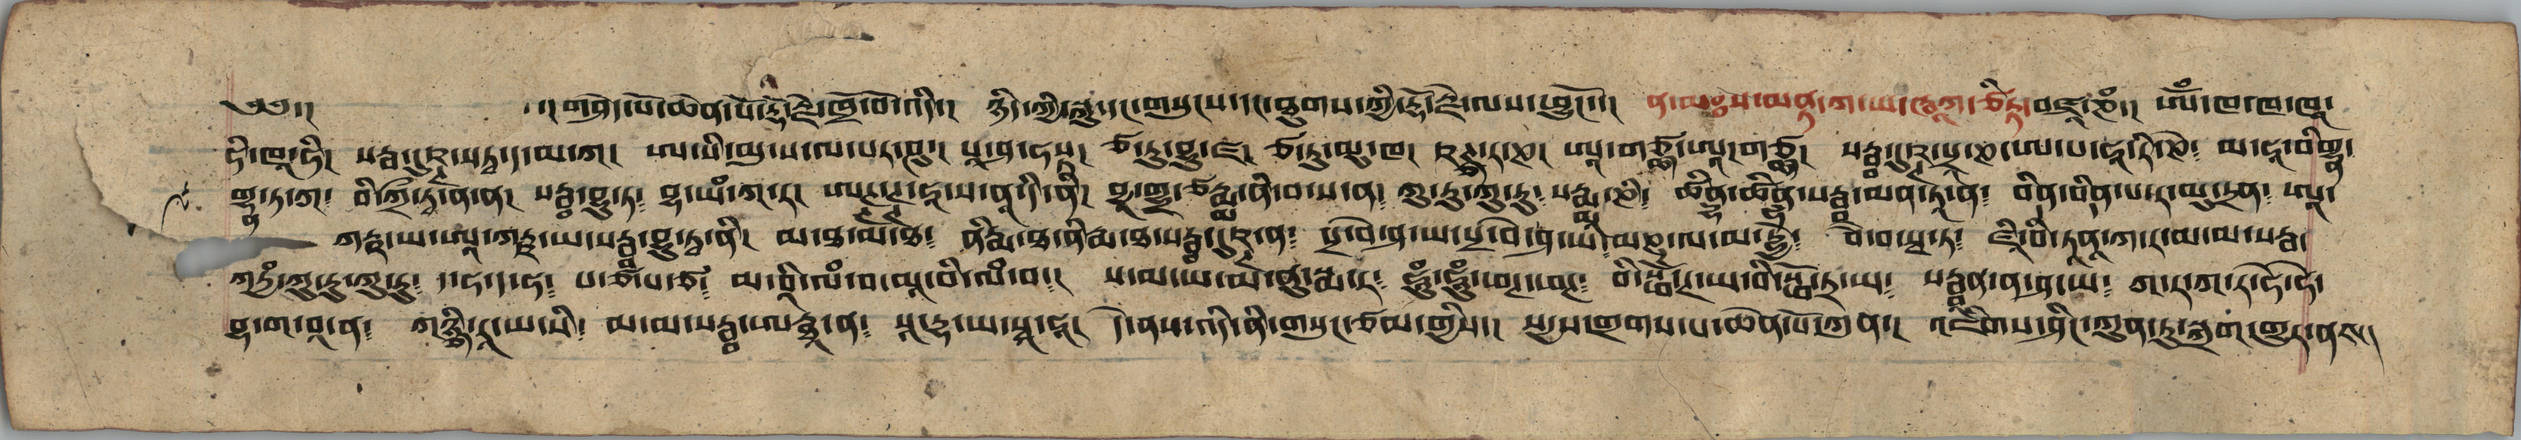༄༅་། ་།གཤེད་པོ་ཆེན་པོ་རྡོ་རྗེ་ཁྲོ་བོ་འདི་། ཉིད་ཀྱི་སྐུ་དང་གསུངས་དང་ཐུགས་ཀྱི་རྡོ་རྗེ་ལས་ཕྱུངོ་་། ན་མཿས་མནྟ་ཀ་ཡ་ཝཱཀ་ཙིཏྟ་བཛྲཱ་ཎཾ་། ཨོཾ་ཁ་ཁ་ཁཱ་
ཧི་ཁཱ་ཧི། སརྦ་དུཥྚ་སཏྭ་ད་མ་ཀ། ཨ་སི་མུ་ས་ལ་པར་ཤུ་། པཱ་ཤ་ཧསྟ། ཙ་ཏུ་བྷུ་ཛ། ཙ་ཏུ་མུ་ཁ། ཥཊྩ་ར་ཎ། ཨཱ་གཙྪ་ཨཱ།གཙྪ། སརྦ་དུཥྚ་པྲ་ཎ་ཨ་པ་ཧཱ་རི་ཎི། མ་ཧཱ་བིགྷྣ་
གྷ་ཏ་ཀ་ བི་ཀྲྀ་ཏྭ་ནོ་ན། སརྦ་བྷུ་ཏ་ བྷ་ཡཾ་ཀ་ར། ཨཊྚ་ཊྚ་ཧཱ་ས་ནཱ་དི་ནི། བྱ་གྷྲ་ཙརྨྨ་ནི་བ་ས་ན། ཀུ་རུ་ཀུ་རུ་ སརྨ་ཎི་ ཚིནྡྷི་ཚིནྡྷི་སརྦཱ་མན་ཏཱོ་ན། བྡིན་བྡིན་པ་ར་མུ་ཏྲན་ ཨཱ་
ཀརྵ་ཡ་ཨཱ་ཀརྵ་ཡ་སརྦ་བྷུ་ཏྭ་ནི། མ་ཐ་མོ་ཐེ༴ ནིརྨ་ཐ་ནིརྨ་ཐ་སརྦ་དུཥྚ་ན༴ པྲ་བེ་ཤ་ཡ་པྲ་བེ་ཤ་ཡི་མཎྜ་ལ་མ་དྷྱེ་ བཻ་བ་སྭ་ཏ་ ཛཱི་བི་ཏན་ཀ་ར་མ་མ་སརྦ་
ཀཏྱཾ་ཀུ་རུ་ཀུ་རུ། ད་ཧ་ད་ཧ༴ པ་ཙི་པ་ཙ༴ མ་བཱི་ལཾ་བ་མཱ་བི་ལཾ་བ༴། ས་མ་ཡ་མ་ནུ་སྨ་ར༴ ཧཱུཾ་ཧཱུྃ་ཕཊ་ཕཊ༴ བི་སྥོ་ཊ་ཡ་བི་སྥོ་ཏྲ་ཡ༴ སརྦྦན་ན་ཤ་ཡེ༴ ཀ་ར་ཀ་ར་ཧེ་ཧེ་
བྷ་ག་བཱ་ན་ ཀཉྩི་རཱ་ཡ་སི་ མ་མ་སརྦ་ཨརྠཱ་ན་ སཱ་དྷ་ཡ་སྭ་ཧཱ། དེ་ནས་འདི་ནི་གསུང་ཙམ་གྱིས་། སདྱས་གྲགས་པ་ཆེན་པོ་ཀུན་། འཇིགས་ཤིང་ཀུན་ཏུ་སྐྲག་གྱུར་ནས་